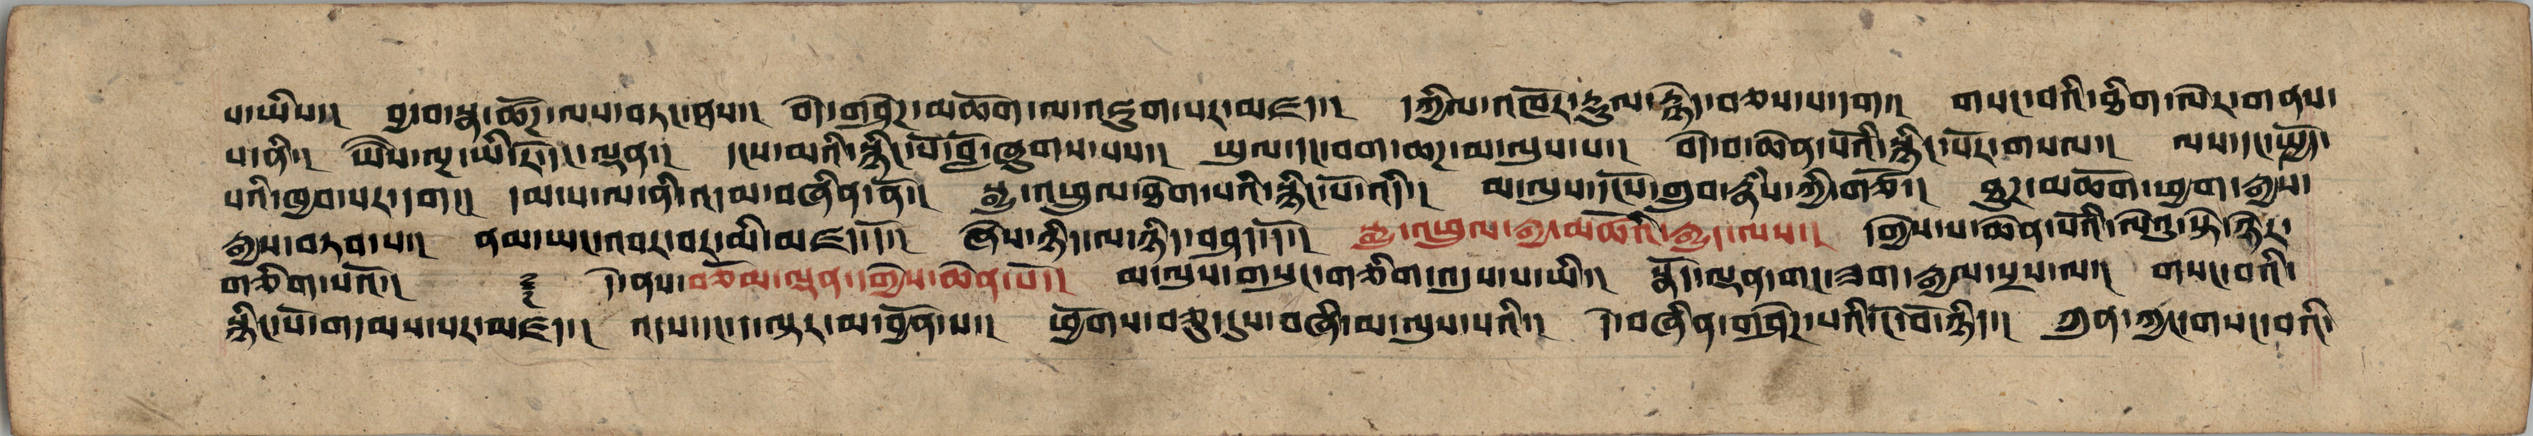པ་ཡིས་། བྱ་བ་སྣ་ཚོགས་ལས་བཏང་ནས་། བདེ་གཤེཌ་མཆོག་ལ་འཇུག་པར་མཛད་། དཀྱིལ་འཁོར་རྡུལ་རྙེད་བཅས་པ་དག་། གསང་བའི་ཐིག་ལེར་གནས་
པ་ནི་། ཡཻས་ལྔ་ཡི་རོ་དང་ལྡན་། དངས་མའི་སྙིང་པོ་བློ་ཞུགས་པས་། ཡུལ་དང་བག་ཆཌ་མ་ལུས་པ་། བདེ་བ་ཆེན་པོའི་སྙིང་པོར་གསལ་། ལས་དང་སྤྱོད་
པའི་ཁྱབ་པར་དག།། དམ་པ་ལ་ནི་འདམ་བཞིན་ནོ་། སྒྱུ་འཕྲུལ་ཐེག་པའི་སྙིང་པོ་འདི་། མ་ལུས་དངོས་གྲུབ་རྣཾས་ཀྱི་གཙོ་། ཐུཌ་མཆོག་ཕྱག་རྒྱས་
རྒྱས་བཏབ་པ་། ནམ་ཡང་འབར་བར་མི་མཛད་དོ་། ཞེས་ཉིད་ལ་ཉིད་བཤད་དོ་། སྒྱུ་འཕྲུལ་རྒྱ་མཚོའི་རྒྱུད་ལས་། དགྱེས་པ་ཆེན་པོའི་ལེའུ་སྟེ་ཉེར་
གཅིག་པའོ་། ࿑ དེ་ནས་བཅོམ་ལྡན་དགྱེས་ཆེན་པོ་། མ་ལུས་གསུང་གཅིག་འདུས་པ་ཡི་། སྣོད་ལྡན་གང་ཟག་རྒྱལ་སྲས་ལ་། གསང་བའི་
སྙིང་པོ་གདམས་པར་མཛད་། འདས་དང་ད་ལྟར་མ་བྱོན་པ་། ཕྱོགས་བཅུ་དུས་བཞི་མ་ལུས་པའི་། དེ་བཞིན་གཤེཌ་པའི་ངོ་བོ་ཉིད་། ཀུན་ཀྱང་གསང་བའི་